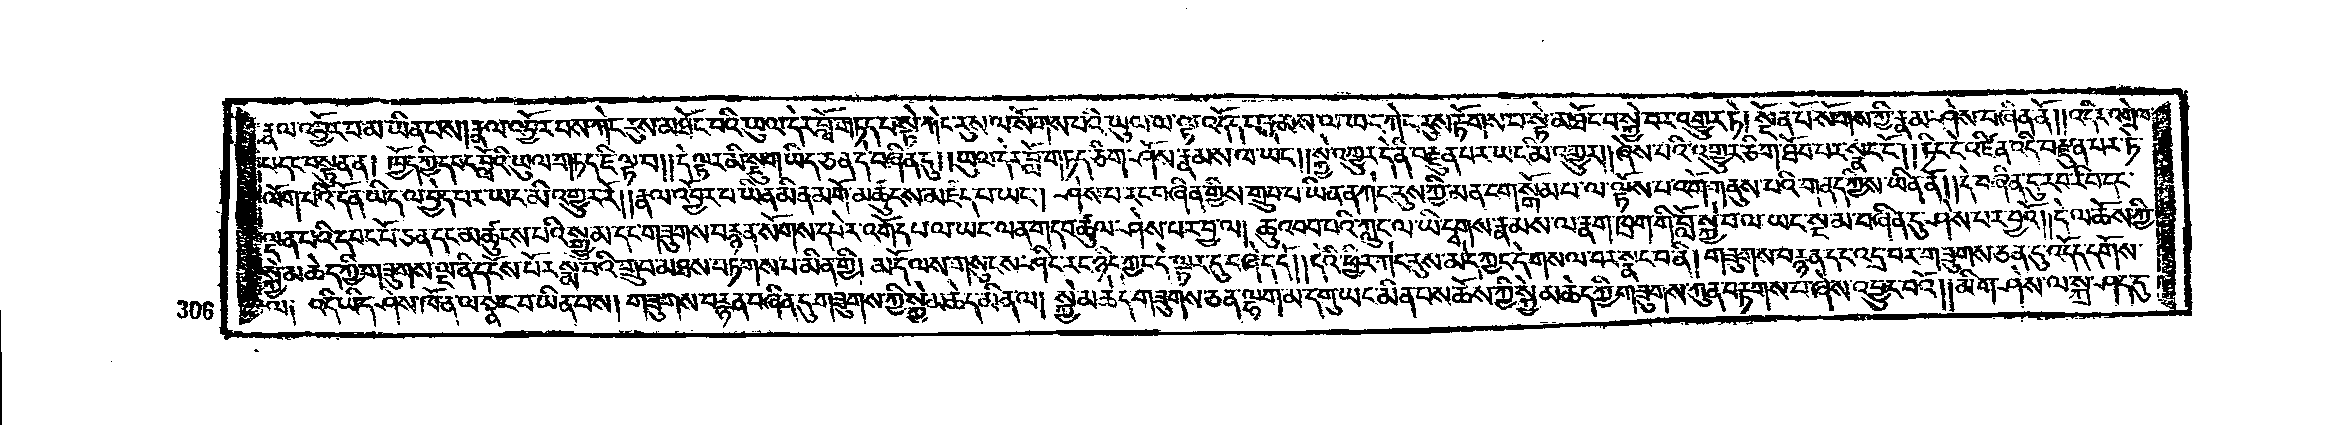རྣལ་འབྱོར་པ་མ་ཡིན་པས། རྣལ་འབྱོར་བས་ཀེང་རུས་མཐོང་བའི་ཡུལ་དེར་བློ་གཏད་པ་སྟེ་ཀེང་རུས་ལ་སོགས་པའི་ཡུལ་ལ་ལྟ་འདོད་པ་རྣམས་ལ་ཡང་ཀེང་རུས་རྟོགས་པ་སྟེ་མཐོང་བ་སྐྱེ་བར་འགྱུར་ཏེ། སྔོན་པོ་སོགས་ཀྱི་རྣམ་ཤེས་བཞིན་ནོ། །འདིར་འགྲེལ་
པ་དང་བསྟུན་ན། ཁྱོད་ཀྱི་དབང་བློའི་ཡུལ་གཏད་ཇི་ལྟ་བ། །དེ་ལྟར་མི་སྡུག་ཡིད་ཅན་དེ་བཞིན་དུ། །ཡུལ་དེར་བློ་གཏད་ཅིག་ཤོས་རྣམས་ལ་ཡང་། །སྐྱེ་འགྱུར་དེ་ནི་བརྫུན་པར་ཡང་མི་འགྱུར། །ཞེས་པའི་འགྱུར་ཅིག་ཐོབ་པར་སྣང་ངོ། །ཏིང་ངེ་འཛིན་འདི་བརྫུན་པར་ཏེ་
ལོག་པའི་དོན་ཡིད་ལ་བྱེད་པར་ཡང་མི་འགྱུར་རོ། །རྣལ་འབྱོར་པ་ཡིན་མིན་མགོ་མཚུངས་མཛད་པ་ཡང་། ཤེས་པ་རང་བཞིན་གྱིས་གྲུབ་པ་ཡིན་ན་ཀེང་རུས་ཀྱི་མན་ངག་སྒོམ་པ་ལ་ལྟོས་པ་འགོག་ནུས་པའི་གནད་ཀྱིས་ཡིན་ནོ། །དེ་བཞིན་དུ་རབ་རིབ་དང་
ལྡན་པའི་དབང་པོ་ཅན་དང་མཚུངས་པའི་སྒྱུ་མ་དང་གཟུགས་བརྙན་སོགས་དཔེར་འགོད་པ་ལ་ཡང་ལན་གདབ་ཚུལ་ཤེས་པར་བྱ་ལ། ཆུ་འབབ་པའི་ཀླུང་ལ་ཡི་དྭགས་རྣམས་ལ་རྣག་ཁྲག་གི་བློ་སྐྱེ་བ་ལ་ཡང་སྔ་མ་བཞིན་དུ་ཤེས་པར་བྱའོ། །དེ་ལ་ཆོས་ཀྱི་
སྐྱེ་མཆེད་ཀྱི་གཟུགས་ལྔ་ནི་དངོས་པོར་སྨྲ་བའི་གྲུབ་མཐས་བཏགས་པ་མིན་གྱི། མདོ་ལས་གསུངས་ཤིང་རང་ཉིད་ཀྱང་དེ་ལྟར་དུ་བཞེད་དོ། །དེའི་ཕྱིར་ཀེང་རུས་མེད་ཀྱང་དེ་གསལ་བར་སྣང་བ་ནི། གཟུགས་བརྙན་དང་འདྲ་བར་གཟུགས་ཅན་དུ་འདོད་དགོས་
ལ། འདི་ཡིད་ཤེས་ཁོ་ན་ལ་སྣང་བ་ཡིན་པས། གཟུགས་བརྙན་བཞིན་དུ་གཟུགས་ཀྱི་སྐྱེ་མཆེད་མིན་ལ། སྐྱེ་མཆེད་གཟུགས་ཅན་ལྷག་མ་དགུ་ཡང་མིན་པས་ཆོས་ཀྱི་སྐྱེ་མཆེད་ཀྱི་གཟུགས་ཀུན་བརྟགས་པ་ཞེས་འབྱུང་བའོ། །མིག་ཤེས་ལ་སྐྲ་ཤད་དུ་